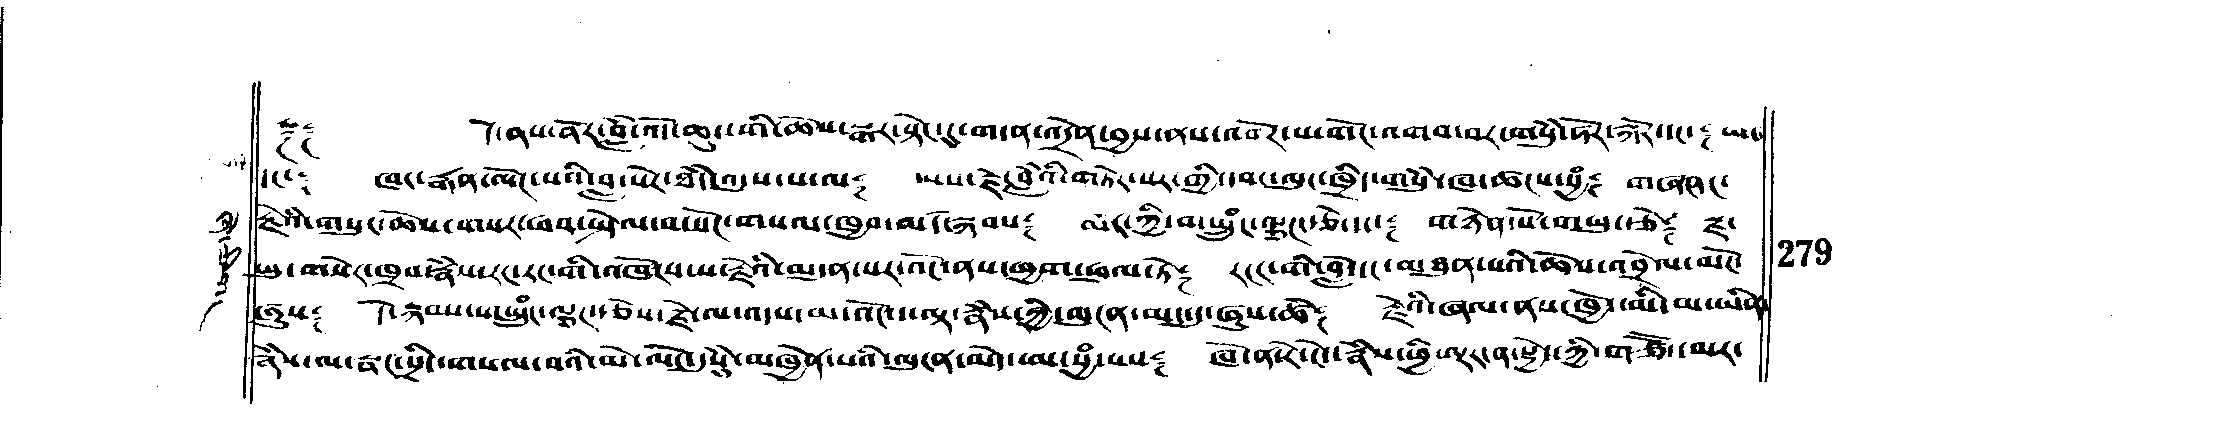དེ་ནས་ནོར་བླ་མ་འོད་ཆུང་གི་ཆོས་སྒར་སྟེང་དུ་གདན་འདྲེན་བྱས་ནས་འབོར་པ་གོང་འགབ་བར་གསུམ་ཧོར་སྐོར་དང་། ཕ་
དང་། ཁང་རྒན་ལ་སོགས་པའི་བླ་སེར་ཐམས་ཅད་འདུས་པ་ལ། ཡབ་རྗེ་བླ་མའི་གཏེར་སར་གྱི་དབང་ལུང་ཁྲིད་གསུམ་ཁ་ཚང་གསུང་། གཞན་
ཡང་རྗེའི་གསུང་ཆོས་གསར་ཕབ་སྤེལ་བ་སོགས་གསལ་ཁྱབ་མཛད་སྐབས། སྨར་གྱི་གཡུ་དྲུང་ལྕགས་རྩེ་དང་། གཉན་པོ་གཡུ་རྩེ། རྫ་
ཡུ་གསེར་ཁྲབ་རྣམས་རང་རང་གི་འཁོར་དང་བཅས་པ་རྗེའི་མདུན་སར་འོང་ནས་ཕྱག་ཕུལ་ཏེ། རང་རང་གི་བློ་དང་མཐུན་པའི་ཆོས་འབྲེལ་མང་པོ་
ཞུས། དེ་སྐབས་གཡུ་དྲུང་ལྕགས་རྩེས་རྗེ་ལ་འདས་མ་འོངས་ད་ལྟ་རྣམས་ཀྱི་ལུང་བསྟན་མང་དུ་ཞུས་ཚེ། རྗེའི་ཞལ་ནས་ཁྱོད་མི་མ་ཡིན་
རྣམས་ལ་སྣང་སྲིད་གསལ་བའི་མེ་ལོང་དུས་གསུམ་མཁྱེན་པའི་ལུང་བསྟན་མེད་ཨ་གསུངས་པས། ཁོ་ན་རེ་ངེད་རྣམས་ཕྱི་ལྟར་ན་སྡེ་བརྒྱད་ཀྱི་གཙོ་བོ་དམར་